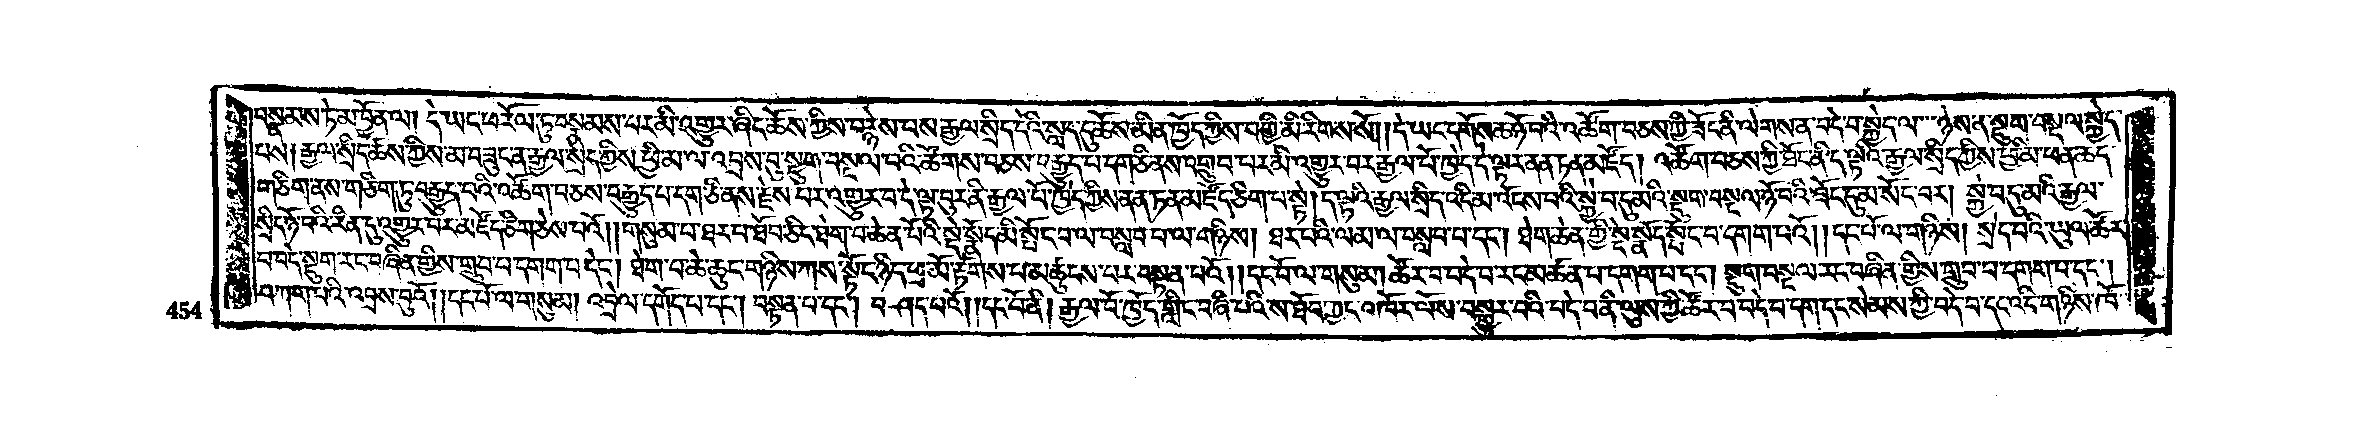བསྣམས་ཏེ་མ་བྱོན་ལ། དེ་ཡང་ཕ་རོལ་ཏུ་བསྣམས་པར་མི་འགྱུར་ཞིང་ཆོས་ཀྱིས་བརྙེས་པས་རྒྱལ་སྲིད་དེའི་སླད་དུ་ཆོས་མིན་ཁྱོད་ཀྱིས་བགྱི་མི་རིགས་སོ། །དེ་ཡང་དགོས་ཆ་ཉོ་བའི་འཚོག་བཅས་ཀྱི་ཟོང་ནི་ལེགས་ན་བདེ་བ་སྐྱེད་ལ་ཉེས་ན་སྡུག་བསྔལ་སྐྱེད་
པས། རྒྱལ་སྲིད་ཆོས་ཀྱིས་མ་བཟུང་ན་རྒྱལ་སྲིད་ཀྱིས་ཕྱི་མ་ལ་འབྲས་བུ་སྡུག་བསྔལ་བའི་ཚོགས་བཅས་བརྒྱུད་པ་དག་ཅི་ནས་འགྲུབ་པར་མི་འགྱུར་བར་རྒྱལ་པོ་ཁྱེད་དེ་ལྟར་ནན་ཏན་མཛོད། འཚོག་བཅས་ཀྱི་ཐོང་ནི་ད་ལྟའི་རྒྱལ་སྲིད་ཀྱིས་ཕྱི་མ་ཕན་ཆད་
གཅིག་ནས་གཅིག་ཏུ་བརྒྱུད་པའི་འཚོག་བཅས་བརྒྱུད་པ་དག་ཅི་ནས་རྗེས་པར་འགྱུར་བ་དེ་ལྟ་བུར་ནི་རྒྱལ་པོ་ཁྱེད་ཀྱིས་ནན་ཏན་མཛོད་ཅིག་པ་སྟེ། ད་ལྟའི་རྒྱལ་སྲིད་འདི་མ་འོངས་པའི་སྐྱེ་བ་དུ་མའི་སྡུག་བསྔལ་ཉོ་བའི་ཟོང་དུ་མ་སོང་བར། སྐྱེ་བ་དུ་མའི་རྒྱལ་
སྲིད་ཉོ་བའི་རིན་དུ་འགྱུར་བར་མཛོད་ཅིག་ཅེས་པའོ། །གསུམ་པ་ཐར་པ་ཐོབ་ཅིང་ཐེག་པ་ཆེན་པོའི་སྡེ་སྣོད་མི་སྤོང་བ་ལ་བསླབ་པ་ལ་གཉིས། ཐར་པའི་ལམ་ལ་བསླབ་པ་དང་། ཐེག་ཆེན་གྱི་སྡེ་སྣོད་སྤོང་བ་དགག་པའོ། །དང་པོ་ལ་གཉིས། སྲིད་པའི་ཡུལ་ཚོར་
བ་བདེ་སྡུག་རང་བཞིན་གྱིས་གྲུབ་པ་དགག་པ་དེང་། ཐེག་པ་ཆེ་ཆུང་གཉིས་ཀས་སྟོང་ཉིད་ཕྲ་མོ་རྟོགས་པ་མཚུངས་པར་བསྟན་པའོ། །དང་པོ་ལ་གསུམ། ཚོར་བ་བདེ་བ་རང་མཚན་པ་དགག་པ་དང་། སྡུག་བསྔལ་རང་བཞིན་གྱིས་གྲུབ་པ་དགག་པ་དང་།
བཀག་པའི་འབྲས་བུའོ། །དང་པོ་ལ་གསུམ། འབྲེལ་དགོད་པ་དང་། བསྟན་པ་དང་། བཤད་པའོ། །དང་པོ་ནི། རྒྱལ་པོ་ཁྱོད་གླིང་བཞི་པའི་ས་ཐོབ་ཀྱང་འཁོར་ལོས་བསྒྱུར་བའི་བདེ་བ་ནི་ལུས་ཀྱི་ཚོར་བ་བདེ་བ་དག་དང་སེམས་ཀྱི་བདེ་བ་དང་འདི་གཉིས་ཁོ་